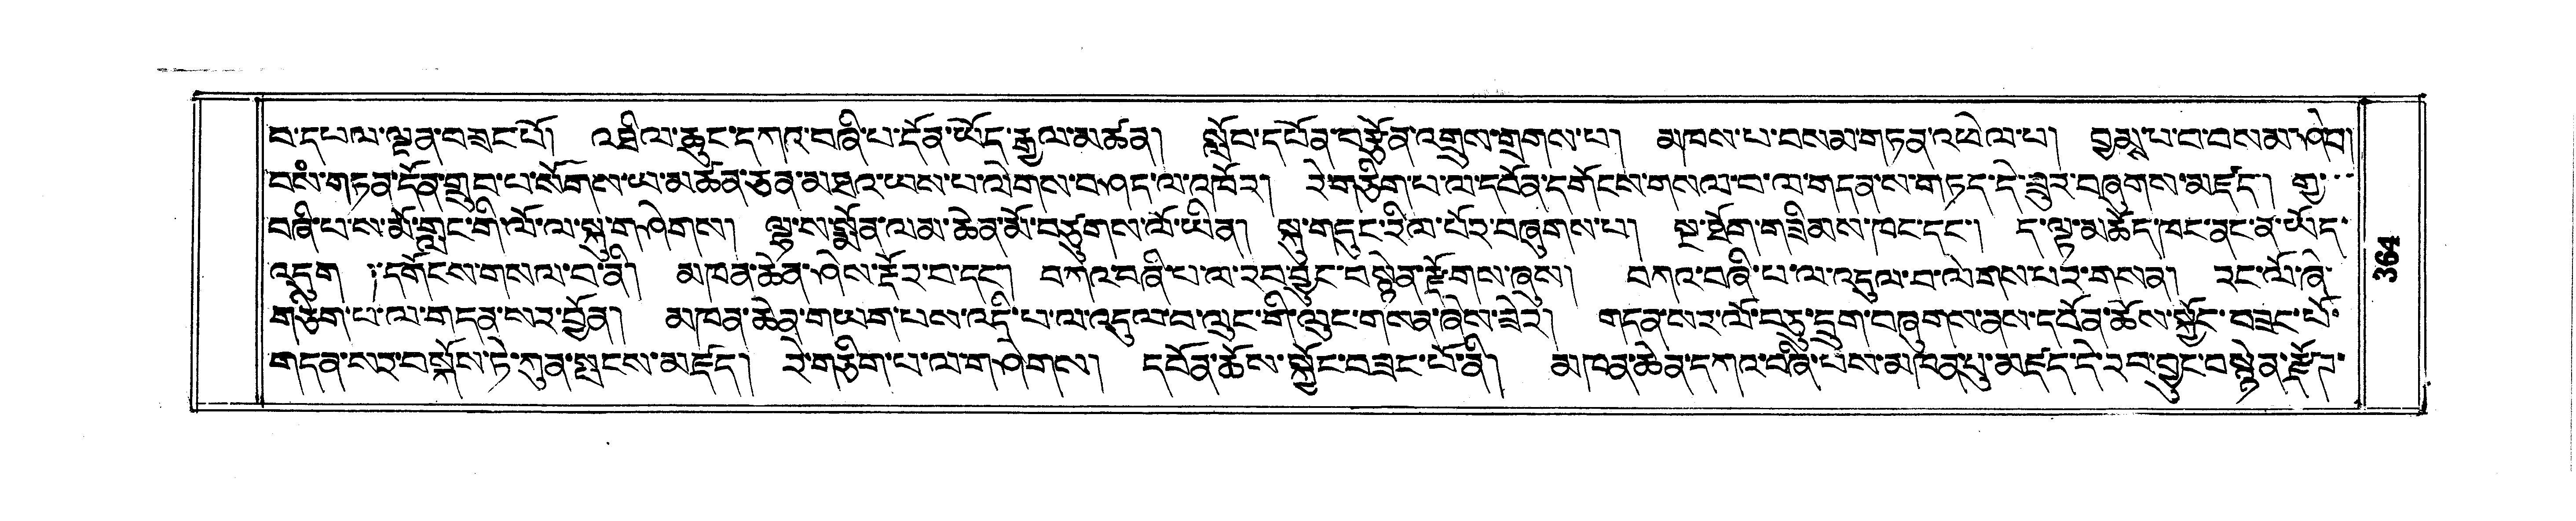བ་དཔལ་ལྡན་བཟང་པོ། འཐིལ་ཆུང་དཀའ་བཞི་པ་དོན་ཡོད་རྒྱལ་མཚན། སློབ་དཔོན་བརྩོན་འགྲུས་གྲགས་པ། མཁས་པ་བསམ་གཏན་འཕེལ་པ། བྱམས་པ་བ་བསམ་ཤེ་བ།
བསཾ་གཏན་དོན་གྲུབ་པ་སོགས་ཡ་མཚན་ཅན་མཐའ་ཡས་པ་ལེགས་བཤད་ལ་འཁོར། རེ་གཅིག་པ་ལ་དབོན་དགོངས་གསལ་བ་ལ་གདན་ས་གཏད་དེ་ཟུར་བཞུགས་མཛད། གྱ་
བཞི་པ་ས་མོ་གླང་གི་ལོ་ལ་སྐུ་གཤེགས། ལྷ་ས་སྨོན་ལམ་ཆེན་མོ་བཙུགས་ལོ་ཡིན། སྐུ་གདུང་རིལ་པོར་བཞུགས་པ། སྔ་ཐོག་གཟིམས་ཁང་དང་། ད་ལྟ་མཆོད་ཁང་ནང་ན་ཡོད་
འདུག ༑དགོངས་གསལ་བ་ནི། མཁན་ཆེན་ཤེས་རྡོར་བ་དང་། བཀའ་བཞི་པ་ལ་རབ་བྱུང་བསྙེན་རྫོགས་ཞུས། བཀའ་བཞི་པ་ལ་འདུལ་བ་ལེགས་པར་གསན། རང་ལོ་ཞེ་
གཅིག་པ་ལ་གདན་སར་བྱོན། མཁན་ཆེན་གཡག་པས་འདི་པ་ལ་འདུལ་བ་ལུང་གསན་ཞེས་ཟེར། གདན་སར་ལོ་བཅུ་དྲུག་བཞུགས་ནས་དབོན་ཆོས་སྐྱོང་བཟང་པོ་
གདན་སར་བསྐོས་ཏེ་ཀུན་སྤངས་མཛད། རེ་གཅིག་པ་ལ་གཤེགས། དབོན་ཆོས་སྐྱོང་བཟང་པོ་ནི། མཁན་ཆེན་དཀའ་བཞི་པས་མཁན་པུ་མཛད་དེ་རབ་བྱུང་བསྙེན་རྫོཊ་